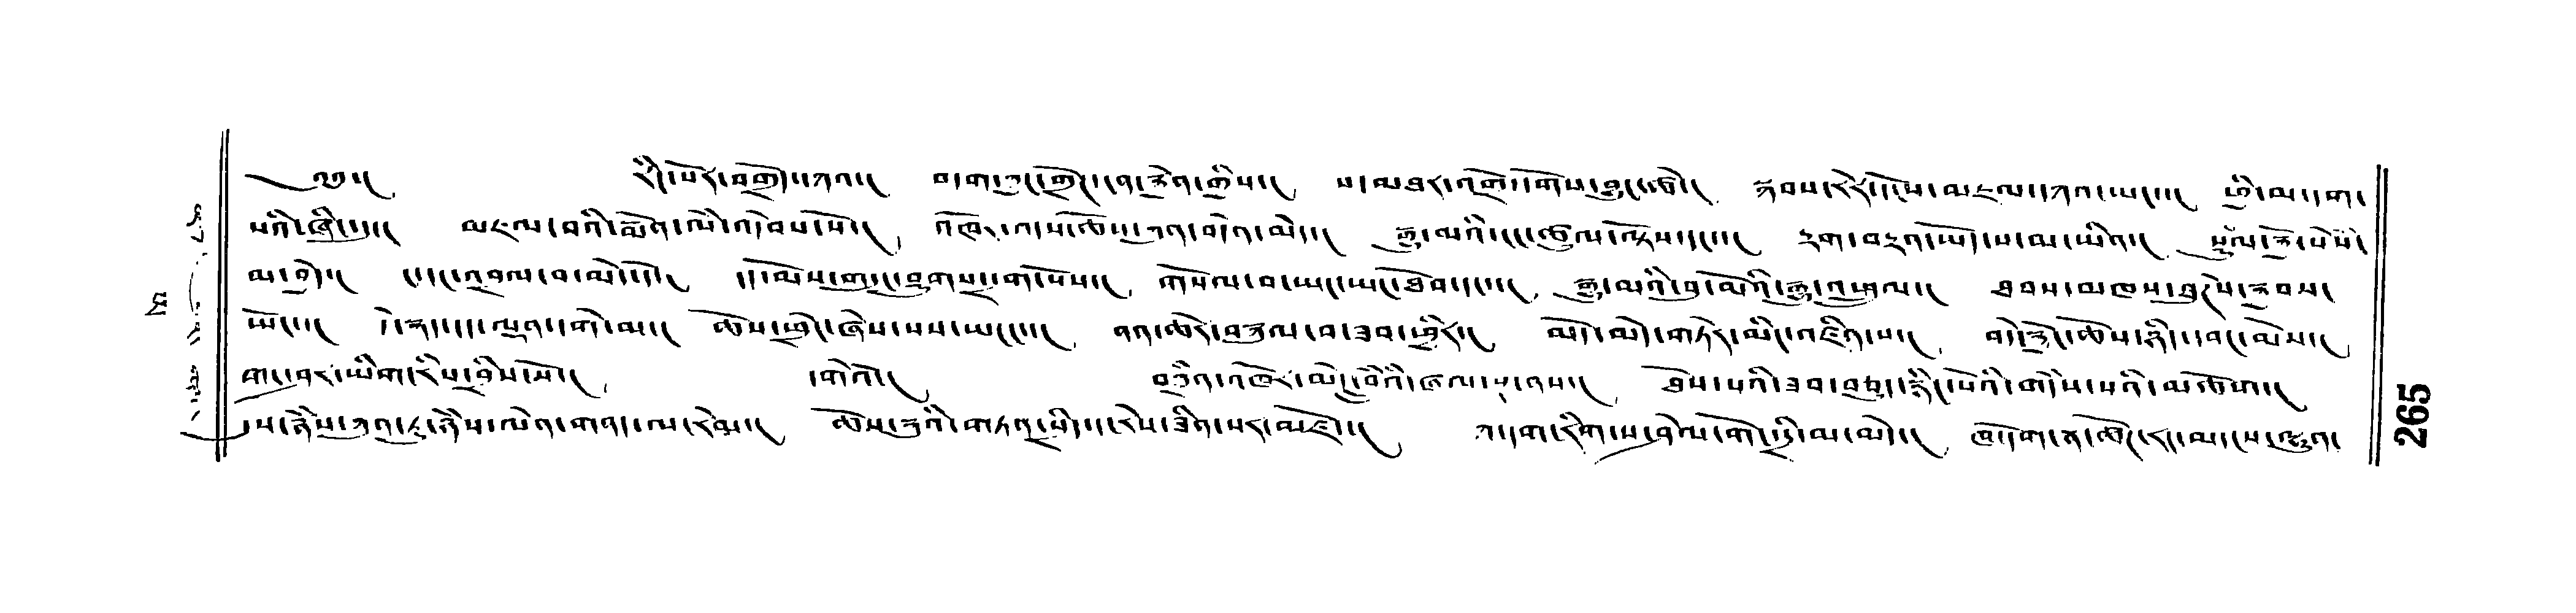རིང་པོར་བགྲོད་དཀའ། །བདག་ཀྱང་གྲོགས་ངན་རྐྱེན་གྱིས། །ས་མཐར་འགྲོ་དགོས་བྱུང་ཚེ། །སྐབས་རེར་དངོས་མཇལ་དཀའ་ཡང་། །ཕྱི་མ་དག་
པའི་ཞིང་དུ། །མཇལ་བའི་སྨོན་ལམ་འདེབས་སོ། །འཁོར་འདས་ཆོས་ཀུན་བདེན་མེད། །སྒྱུ་མའི་ངང་ཚུལ་ལྟོས་དང་། །རྟག་བརྟན་ཡོད་པ་མ་ཡིན། །སྡུག་བསྔལ་སྐྱོ་སེམས་
མ་བྱེད། །ང་དང་འབྲལ་བ་མེད་དོ། །དད་མོས་གདུང་ཤུགས་དྲག་པོས། །གསོལ་བ་ཡང་ཡང་ཐོབ་དང་། །སྒྱུ་མའི་བུ་མོའི་སྒྱུ་འཕྲུལ། །ཐབས་མཁས་ཐུགས་རྗེས་སྐྱབས་
ཡོང་། །དེ་སྐད་དད་ལྡན་དགེ་མ། །ཆོས་ཕྲེང་ཞེས་པས་ཡང་ཡང་། །ནན་ཆེར་བསྐུལ་བ་ཟབ་ཕྱིར། །མདོ་མེད་གཏེར་མིང་འཛིན་པ། །བདེ་སྐྱོང་ཆོས་ཉིད་དབང་མོས། །
གང་ཤར་ཡིག་རིས་བྲིས་སོ།དགེའོ།། བཀའ་དྲིན་འཁོར་མེད་བླ་མའི་ཞལ་སྔ་ནས། །ཐོས་པའི་ཟབ་བཅུད་སྙིང་པོའི་གདམས་པའི་མཆོག །
དུས་རྣམས་ཀུན་ཏུ་ཉམས་ལེན་གནད་ལ་རེམ། །ཆོས་སྐུའི་གཏན་སྲིད་ད་རེས་ཟིན་པར་མཛོད། །ཀ་དག་རིག་པ་ཤེལ་གོང་དྲི་མ་མེད། ཁ་དོག་སྣ་ཚོགས་རང་མདངས་ལྷུན་